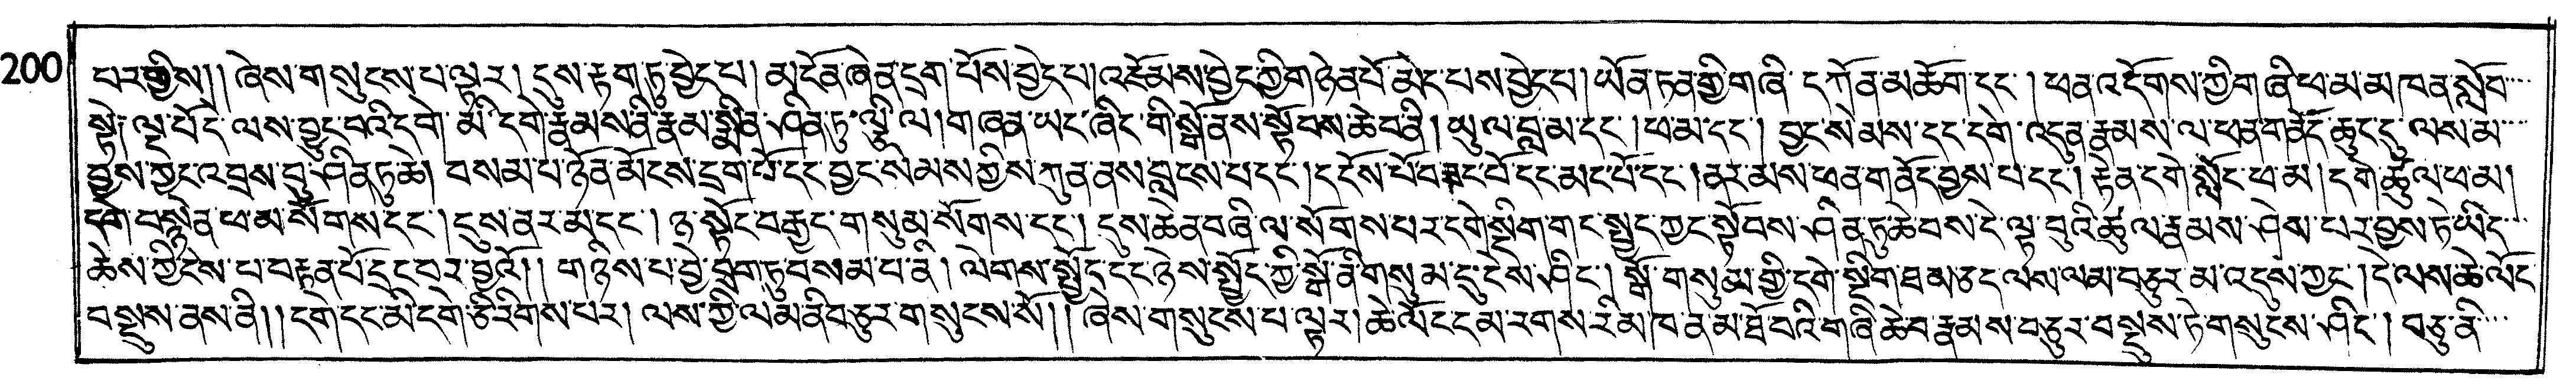པར་གྱིས། །ཞེས་གསུངས་པ་ལྟར། དུས་རྟག་ཏུ་བྱེད་པ། མངོན་ཞེན་དྲག་པོས་བྱེད་པ། འཇོམས་བྱེད་ཀྱི་གཉེན་པོ་མེད་པས་བྱེད་པ། ཡོན་ཏན་གྱི་གཞི་དཀོན་མཆོག་དང་། ཕན་འདོགས་ཀྱི་གཞི་ཕ་མ་མཁན་སློབ་
སྟེ༑ ལྔ་པོ་དེ་ལས་བྱུང་བའི་དགེ་མི་དགེ་རྣམས་ནི་རྣམ་སྨིན་ཤིན་ཏུ་ལྕི་ལ། གཞན་ཡང་ཞིང་གི་སྒོ་ནས་སྟོབས་ཆེ་བ་ནི་།ཡུལ་བླ་མ་དང་། ཕ་མ་དང་། བྱང་སེམས་དང་དགེ་འདུན་རྣམས་ལ་ཕན་གནོད་ཆུང་དུ་ལས་མ་
བྱས་ཀྱང་འབྲས་བུ་ཤིན་ཏུ་ཆེ། བསམ་པ་ཉོན་མོངས་དྲག་པོ་དང་བྱང་སེམས་ཀྱིས་ཀུན་ནས་བླངས་པ་དང་། དངོས་པོ་བཟང་པོ་དང་མང་པོ་དང་། ནར་མས་ཕན་གནོད་བྱས་པ་དང་། རྟེན་དགེ་སློང་ཕ་མ། དགེ་ཚུལ་ཕ་མ།
དགེ་བསྙེན་ཕ་མ་སོགས་དང་། དུས་ནར་མ་དང་། ཉ་སྟོང་བརྒྱད་གསུམ་སོགས་དང་། དུས་ཆེན་བཞི་ལ་སོགས་པར་དགེ་སྡིག་གང་སྤྱད་ཀྱང་སྟོབས་ཤིན་ཏུ་ཆེ་བས་དེ་ལྟ་བུའི་ཚུལ་རྣམས་ཤེས་པར་བྱས་ཏེ་ཡིད་
ཆེས་ཀྱི་ངེས་པ་བརྟན་པོ་དྲང་བར་བྱའོ། །གཉིས་པ་བྱེ་བྲག་ཏུ་བསམ་པ་ནི། ལེགས་སྤྱོད་དང་ཉེས་སྤྱོད་ཀྱི་སྒོ་ནི་གསུམ་དུ་ངེས་ཤིང་། སྒོ་གསུམ་གྱི་དགེ་སྡིག་ཐམ་ཅད་ལས་ལམ་བཅུར་མ་འདུས་ཀྱང་། དེ་ལས་ཆེ་ལོང་
བསྡུས་ནས་ནི། །དགེ་དང་མི་དགེ་ཅི་རིགས་པར། ལས་ཀྱི་ལམ་ནི་བཅུར་གསུངས་སོ། །ཞེས་གསུངས་པ་ལྟར། ཆེ་ལོང་དམ་རགས་རིམ་ཁ་ན་མ་ཐོ་བའི་གཞི་ཆེ་བ་རྣམས་བཅུར་བསྡུས་ཏེ་གསུངས་ཤིང་། བཅུ་ནི་